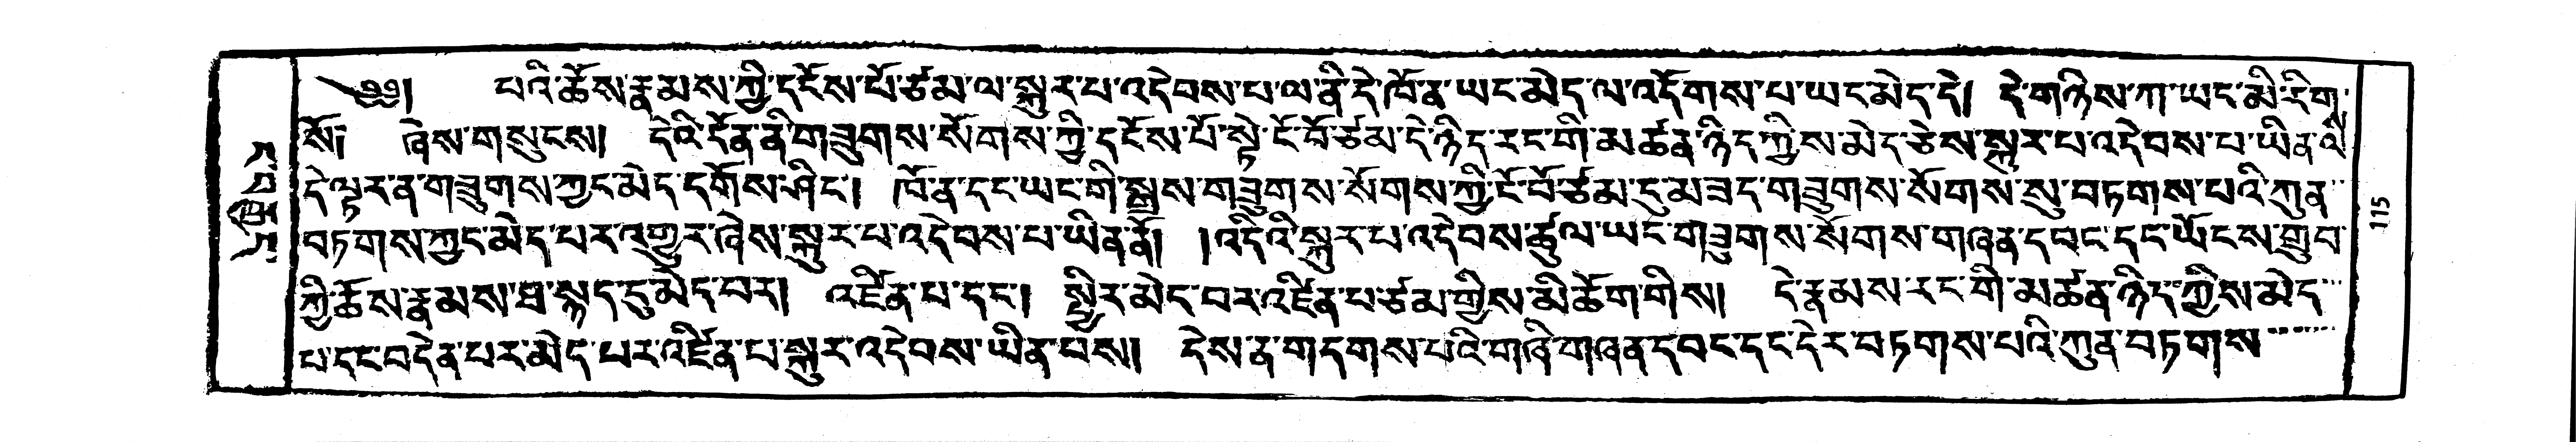༄༅། །པའི་ཆོས་རྣམས་ཀྱི་དངོས་པོ་ཙམ་ལ་སྐུར་པ་འདེབས་པ་ལ་ནི་དེ་ཁོ་ན་ཡང་མེད་ལ་འདོགས་པ་ཡང་མེད་དེ། དེ་གཉིས་ཀ་ཡང་མི་རིགས་
སོ། ཞེས་གསུངས། དེའི་དོན་ནི་གཟུགས་སོགས་ཀྱི་དངོས་པོ་སྟེ་ངོ་བོ་ཙམ་དེ་ཉིད་རང་གི་མཚན་ཉིད་ཀྱིས་མེད་ཅེས་སྐུར་པ་འདེབས་པ་ཡིན་ལ་
དེ་ལྟར་ན་གཟུགས་ཀྱང་མེད་དགོས་ཤིང་། ཁོ་ན་དང་ཡང་གི་སྒྲས་གཟུགས་སོགས་ཀྱི་ངོ་བོ་ཙམ་དུ་མ་ཟད་གཟུགས་སོགས་སུ་བཏགས་པའི་ཀུན་
བཏགས་ཀྱང་མེད་པར་འགྱུར་ཞེས་སྐུར་པ་འདེབས་པ་ཡིན་ནོ། །འདིའི་སྐུར་པ་འདེབས་ཚུལ་ཡང་གཟུགས་སོགས་གཞན་དབང་དང་ཡོངས་གྲུབ་ཀྱི་ཆོས་རྣམས་ཐ་སྙད་དུ་མེད་པར། འཛིན་པ་དང་། སྤྱིར་མེད་པར་འཛིན་པ་ཙམ་གྱིས་མི་ཆོག་གིས། དེ་རྣམས་རང་གི་མཚན་ཉིད་ཀྱིས་མེད་
པ་དང་བདེན་པར་མེད་པར་འཛིན་པ་སྐུར་འདེབས་ཡིན་པས། དེས་ན་གདགས་པའི་གཞི་གཞན་དབང་དང་དེར་བཏགས་པའི་ཀུན་བཏགས་